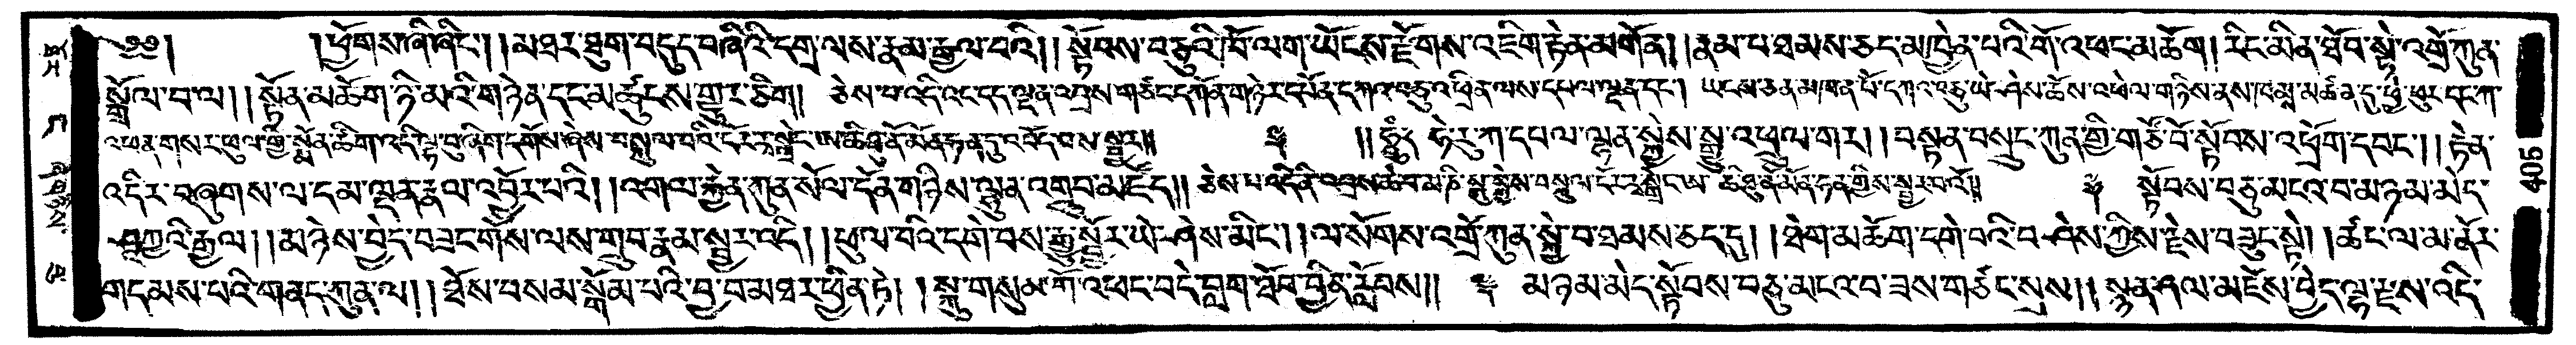༄༅། །ཕྱོགས་ཞི་ཞིང་། །མཐར་ཐུག་བདུད་བཞིའི་དགྲ་ལས་རྣམ་རྒྱལ་བའི། །སྟོབས་བཅུའི་ཁོ་ལག་ཡོངས་རྫོགས་འཇིག་རྟེན་མགོན། །རྣམ་པ་ཐམས་ཅད་མཁྱེན་པའི་གོ་འཕང་མཆོག །རིང་མིན་ཐོབ་སྟེ་འགྲོ་ཀུན་
སྒྲོལ་བ་ལ། །སྟོན་མཆོག་ཉི་མའི་གཉེན་དང་མཚུངས་གྱུར་ཅིག །ཅེས་པ་འདི་འང་དད་ལྡན་འབྲས་གཙང་དཀོན་གཉེར་དཔོན་དཀའ་བཅུ་འཕྲིན་ལས་དཔལ་ལྡན་དང་། ཡངས་ཅན་མཁན་པོ་དཀའ་བཅུ་ཡེ་ཤེས་ཆོས་འཕེལ་གཉིས་ནས་ཁམས་མཚན་དུ་ཕྱེ་ཕུར་དང་ཀ་
འཕན་གསར་ཕུལ་གྱི་སྨོན་ཚིག་འདི་ལྟ་བུ་ཞིག་དགོས་ཞེས་བསྐུལ་བའི་ངོར་རྭ་སྒྲེང་ཨ་ཆི་ཐུ་ནོ་མོན་ཧན་དུ་འབོད་པས་སྦྱར།། ༈ །།ཧཱུཾ། ཧེ་རུ་ཀ་དཔལ་ལྷན་སྐྱེས་སྒྱུ་འཕྲུལ་གར། །བསྟན་བསྲུང་ཀུན་གྱི་གཙོ་བོ་སྟོབས་འཕྲོག་དབང་། །རྟེན་
འདིར་བཞུགས་ལ་དམ་ལྡན་རྣལ་འབྱོར་པའི། །འགལ་རྐྱེན་ཀུན་སོལ་དོན་གཉིས་ལྷུན་འགྲུབ་མཛོད། །ཅེས་པ་འདི་ནི་འབྲས་ཆེ་བ་མ་ཎི་སྐུ་སྐྱེས་བསྐུལ་ངོར་རྭ་སྒྲེང་ཨ་ཆི་ཐུ་ནོ་མོན་ཧན་གྱིས་སྦྱར་བའོ།། ༈ སྟོབས་བཅུ་མངའ་བ་མཉམ་མེད་
ཤཱཀྱའི་རྒྱལ། །མཉེས་བྱེད་བཟང་གོས་ལས་གྲུབ་རྣམ་སྦྱར་འདི་།ཕུལ་བའི་དགེ་བས་རྒྱུ་སྦྱོར་ཡེ་ཤེས་མིང་། །ལ་སོགས་འགྲོ་ཀུན་སྐྱེ་བ་ཐམས་ཅད་དུ། །ཐེག་མཆོག་དགེ་བའི་བཤེས་ཀྱིས་རྗེས་བཟུང་སྟེ། །ཚང་ལ་མ་ནོར་
གདམས་པའི་གནད་ཀུན་ལ། །ཐོས་བསམ་སྒོམ་པའི་བྱ་བ་མཐར་ཕྱིན་ཏེ། །སྐུ་གསུམ་གོ་འཕང་བདེ་བླག་ཐོབ་བྱིན་རློབས།། ༈ མཉམ་མེད་སྟོབས་བཅུ་མངའ་བ་ཟས་གཙང་སྲས། །སྙན་ཤལ་མཛེས་བྱེད་ལྷ་རྫས་འདི་